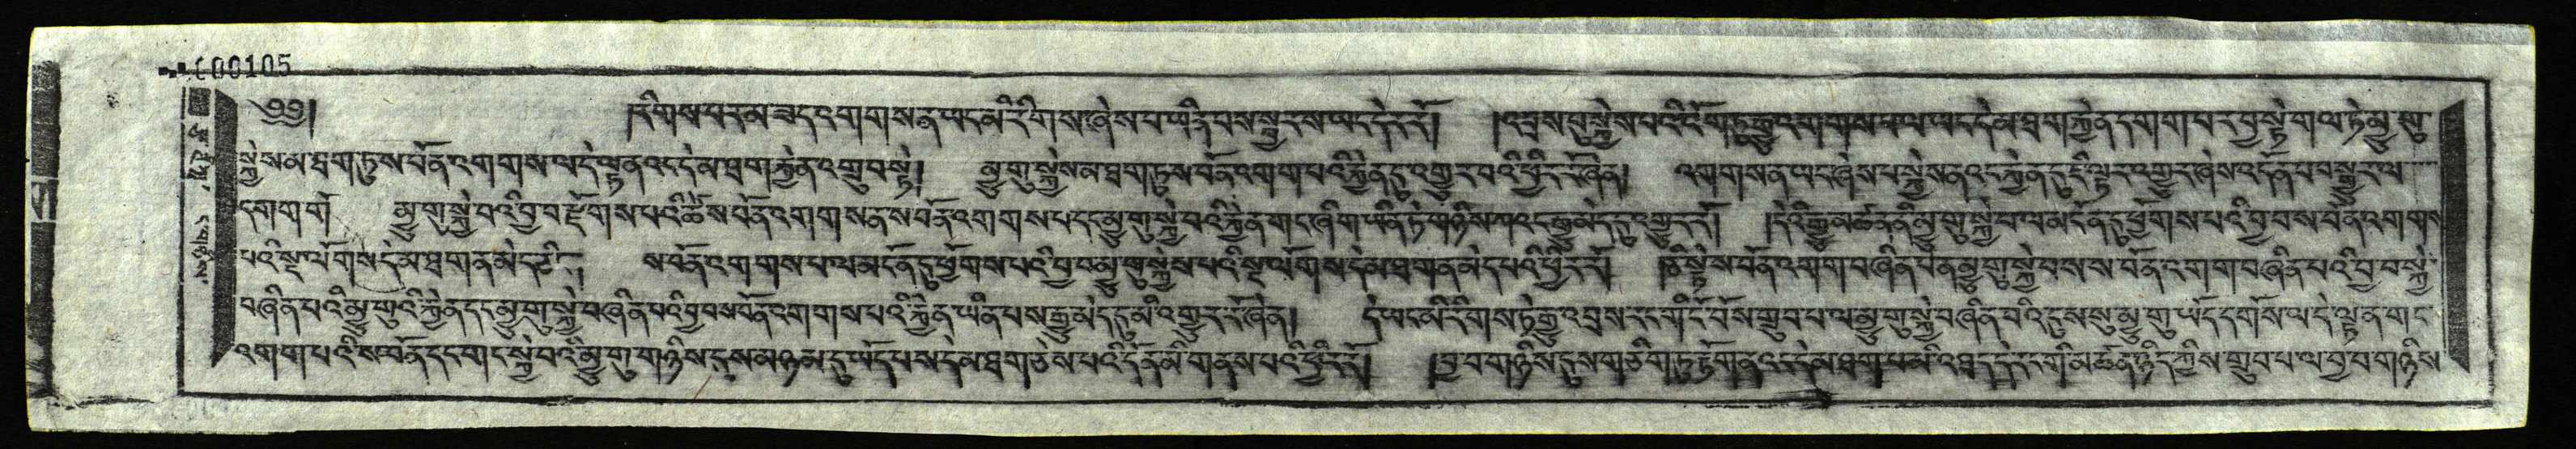༄༅། །རིགས་པར་མ་ཟད་འགགས་ན་ཡང་མི་རིགས་ཞེས་པ་ཡིན་པས་སྦྱར་ས་ཡང་དེར་རོ། །འབྲས་བུ་སྐྱེས་པའི་འོག་ཏུ་རྒྱུ་འགགས་པ་ལ་ཡང་དེ་མ་ཐག་རྐྱེན་དགག་བར་བྱ་སྟེ་གལ་ཏེ་མྱུ་གུ་
ཕ༹སྐྱེས་མ་ཐག་ཏུ་ས་བོན་འགགས་ལ་དེ་ལྟ་ནའང་དེ་མ་ཐག་རྐྱེན་འགྲུབ་སྟེ། མྱུ་གུ་སྐྱེས་མ་ཐག་ཏུ་ས་བོན་འགག་པའི་རྐྱེན་དུ་འགྱུར་བའི་ཕྱིར་རོ་ཞེ་ན། འགགས་ན་ཡང་ཞེས་པ་སྐྱེས་ནའང་རྐྱེན་དུ་ཇི་ལྟར་འགྱུར་ཞེས་འདོན་པ་བསྒྱུར་ལ་
དགག་གོ་མྱུ་གུ་སྐྱེ་བའི་བྱ་བ་རྫོགས་པའི་ཚེ་ས་བོན་འགགས་ན་ས་བོན་འགགས་པ་དང་མྱུ་གུ་སྐྱེ་བའི་རྐྱེན་གང་ཞིག་ཡིན་ཏེ་གཉིས་ཀའང་རྒྱུ་མེད་དུ་འགྱུར་རོ། །དེའི་རྒྱུ་མཚན་ནི་མྱུ་གུ་སྐྱེ་བ་ལ་མངོན་དུ་ཕྱོགས་པའི་བྱ་བ་ས་བོན་འགགས་
པའི་སྔ་ལོགས་དེ་མ་ཐག་ན་མེད་ཅིང་། ས་བོན་འགགས་པ་ལ་མངོན་དུ་ཕྱོགས་པའི་བྱ་བ་མྱུ་གུ་སྐྱེས་པའི་སྔ་ལོགས་དེ་མ་ཐག་ན་མེད་པའི་ཕྱིར་རོ། །ཅི་སྟེ་ས་བོན་འགག་བཞིན་པ་ན་མྱུ་གུ་སྐྱེ་བས་ས་བོན་འགག་བཞིན་པའི་བྱ་བ་སྐྱེ་
བཞིན་པའི་མྱུ་གུའི་རྐྱེན་དང་མྱུ་གུ་སྐྱེ་བཞིན་པའི་བྱ་བ་ས་བོན་འགགས་པའི་རྐྱེན་ཡིན་པས་རྒྱུ་མེད་དུ་མི་འགྱུར་རོ་ཞེ་ན། དེ་ཡང་མི་རིགས་ཏེ་རྒྱུ་འབྲས་རང་གི་ངོ་བོས་གྲུབ་པ་ལ་མྱུ་གུ་སྐྱེ་བཞིན་པའི་དུས་སུ་མྱུ་གུ་ཡོད་དགོས་ལ་དེ་ལྟ་ན་གང་
འགག་པའི་ས་བོན་དང་གང་སྐྱེ་བའི་མྱུ་གུ་གཉིས་དུས་མཉམ་དུ་ཡོད་པས་དེ་མ་ཐག་ཅེས་པའི་དོན་མི་གནས་པའི་ཕྱིར་རོ། །བྱ་བ་གཉིས་དུས་གཅིག་ཏུ་རྟོག་ནའང་དེ་མ་ཐག་པ་མི་འཐད་དེ་རང་གི་མཚན་ཉིད་ཀྱིས་གྲུབ་པ་ལ་བྱ་བ་གཉིས་
ཕ༹་